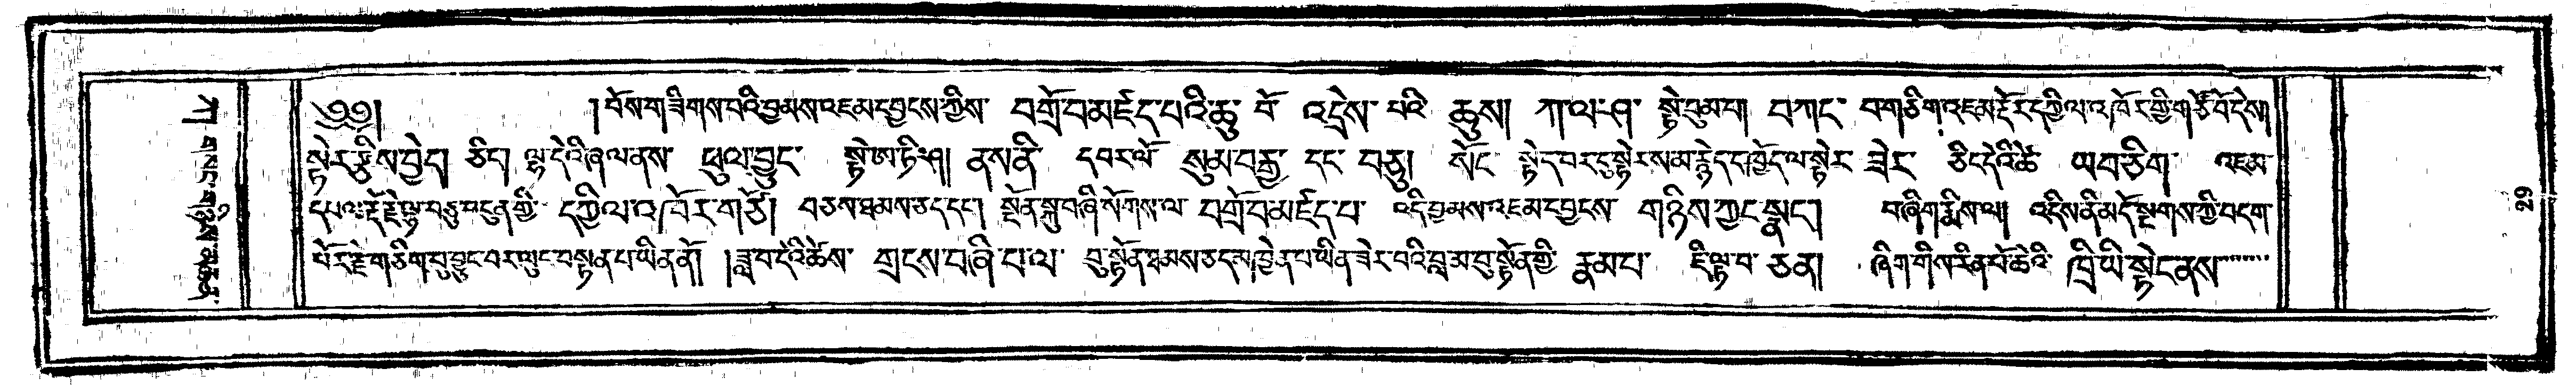༄༅། །བོས་གཟིགས་བའི་བྱམས་འཇམ་དབྱངས་ཀྱིས་བགྲོ་བ་མཛད་པའི་ཆུ་བོ་འདྲེས་པའི་ཆུས། ཀ་ལ་ཤ་སྟེ་བུམ་པ། བཀང་བ་གཅིག་འཇམ་རྡོར་དཀྱིལ་འཁོར་གྱི་གཙོ་བོ་དེས།
སྟེར་རྩིས་བྱེད། ཅིང་། ལྷ་དེའི་ཞལ་ནས། ཕུལ་བྱུང་སྟེ་ཨ་ཏི་ཤ། ནས་ནི་དབང་ལོ་སུམ་བརྒྱ་དང་བཅུ། སོང་སྟེད་བར་དུ་སྟེར་སམ་རྙེད་དྑྱོད་ལ་སྟེར་ཟེར་ཅིང་དེའི་ཚེ་ལབ་ཅིག་འཇམ་
དཔལ་རྡོ་རྗེ་ལྷ་བཅུ་བདུན་གྱི་དཀྱིལ་འཁོར་གཙོ། བཅས་ཐམས་ཅད་དང་། སྔོན་སྐུ་བཞི་སོགས་ལ་བགྲོ་བ་མཛད་པ་འདི་བྱམས་འཇམ་དབྱངས་གཉིས་ཀྱང་སྣང་། བཞིག་རྨིས་ལ། འདིས་ནི་མདོ་སྔགས་ཀྱི་བདག་
པོར་རྗེ་གཅིག་བུ་བྱུང་བར་ལུང་བསྟན་པ་ཡིན་ནོ། །ཟླ་བ་དེའི་ཚེས་གྲངས་བཞི་བ་ལ་བུ་སྟོན་ཐམས་ཅད་མཁྱེན་པ་ཡིན་ཟེར་བའི་བླ་མ་བུ་སྟོན་གྱི་རྣམ་པ་ཇི་ལྟ་བ་ཅན། ཞིག་གིས་རིན་པོ་ཆེའི་ཁྲི་ཡི་སྟེང་ནས་